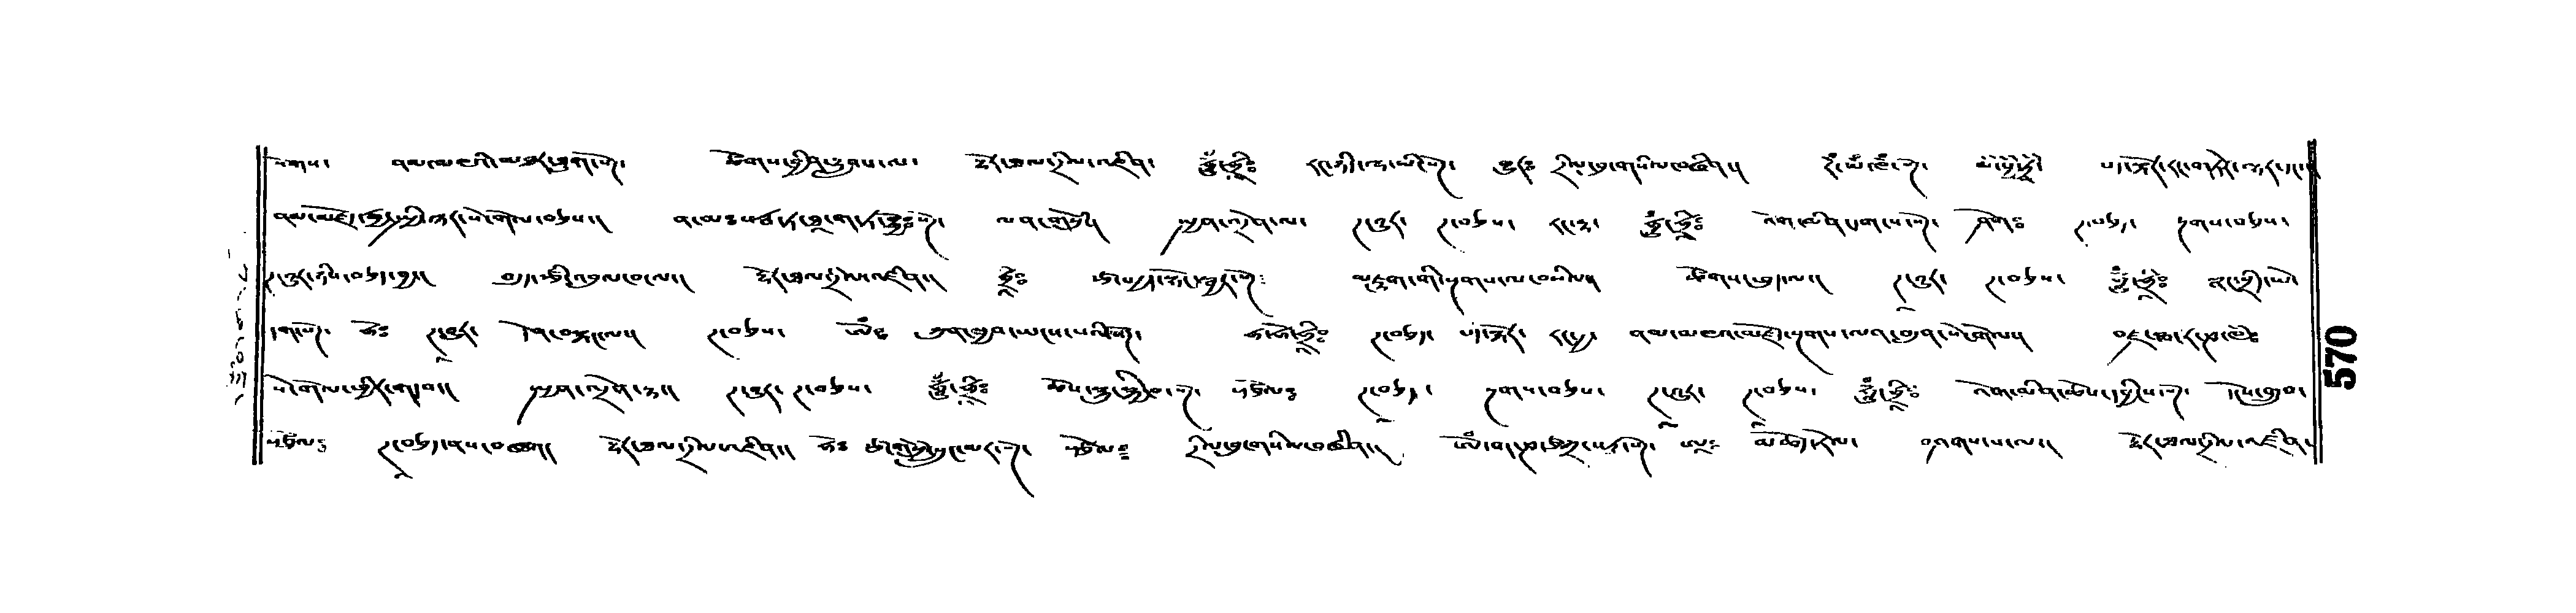སོགས། ནམ་མཁའི་མཐར་ཐུག་སོགས། ཚོགས་བྱིན་རླབས་ལ། རྡོར་ཐལ་དྲིལ་འཛིན། ཧཱུྃ་ཧྲཱིཿ རང་ཉིད་ལྷ་ཡི་སོགས། གྱུརཿ དྲིལ་བུ་གསིལ་བཞིན། རྃ་ཡྃ་ཁྃ་སོགས། མཾ་པཱཾ་ཏཱཾ། པད་སྐོར་རང་གཏེར་ལྟར་དང་
ནམ་མཛོད་རྒྱ་སྤྱི་ལྟར་སེ་གོལ་བཅས། ན་མཿསརྦ་ཏ་ཐཱ་ག་ཏ་བྷྱོཿ སོགས། ལན་གསུམ། སྤྱན་འདྲེན་ལ། ཌཱ་འུར། ཌཱ་བཅས། རང་རྟ། ཧཱུྃ་ཧྲཱིཿ འོག་མིན་དག་པ་སོགས། ཤོགཿ ཌཱ་བཅད། སྔགས་བཅས་
ཌཱ་འུར་ཉིས་བཅད་བྱ། བདུད་རྩི་འབུལ་བ་ལ། རྡོར་ཐལ་དྲིལ་འཛིན། ཧྲཱིཿ རྩ་བརྒྱད་སྟོང་སྦྱར་སོགས། མཇུག་གི་སྔགས་ལ་བསིལ། ཚོགས་ཕུད་ལ། ཌཱ་འུར། ཌཱ་བཅས། ཧཱུྃ་ཧྲཱིཿ སྣང་སྲིད་ཡེ་
དག་སོགས། ཧོཿ ཌཱ་འུར།དོན་བསྐང་ལ། ཌཱ་བཅས། ཨོཾཿ ཀུན་ཁྱབ་ཡངས་པའི་སོགས། ཧ་ཧོ་ཧྲཱིཿ ཌཱ་བཅད། པད་སྐོར། རང་རྒྱ། ནམ་མཁའ་མཛོད་སྔགས་ལན་བདུན་སེ་གོལ། བཛྲ་སྥ་ར་ཎ་ཁཾཿ 
སེ་གོལ་ཕྱིར་གདབ། སྤྱན་འདྲེན་རྟ། ཌཱ་འུར། ཌཱ་བཅས། ཧཱུྃ་ཧྲཱིཿ ཆོས་སྐུ་སྐྱེ་བ་སོགས། སྩོལཿ ཌཱ་བཅད། སྔགས་བཅས། ཌཱ་འུར། ཌཱ་བཅས། ཧཱུྃ་ཧྲཱིཿ འོག་མིན་ཆོས་དབྱིངས་སོགས། དངོས་གྲུབ་
སྩོལཿ ཌཱ་བཅད་ནས་བཞག རྡོར་ཐལ་དྲིལ་འཛིན། ཧོཿ རྩ་གསུམ་སྲུང་མར་སོགས། སྩོལཿ དྲིལ་བུ་གསིལ་བཞིན། ཨོཾ་ག་ཎ་ཙཀྲ་སཏྭ་སོགས། ཨཱཿ མཆོད་རོལ། བཤགས་པ་ལ། རྡོར་ཐལ་དྲིལ་འཛིན་